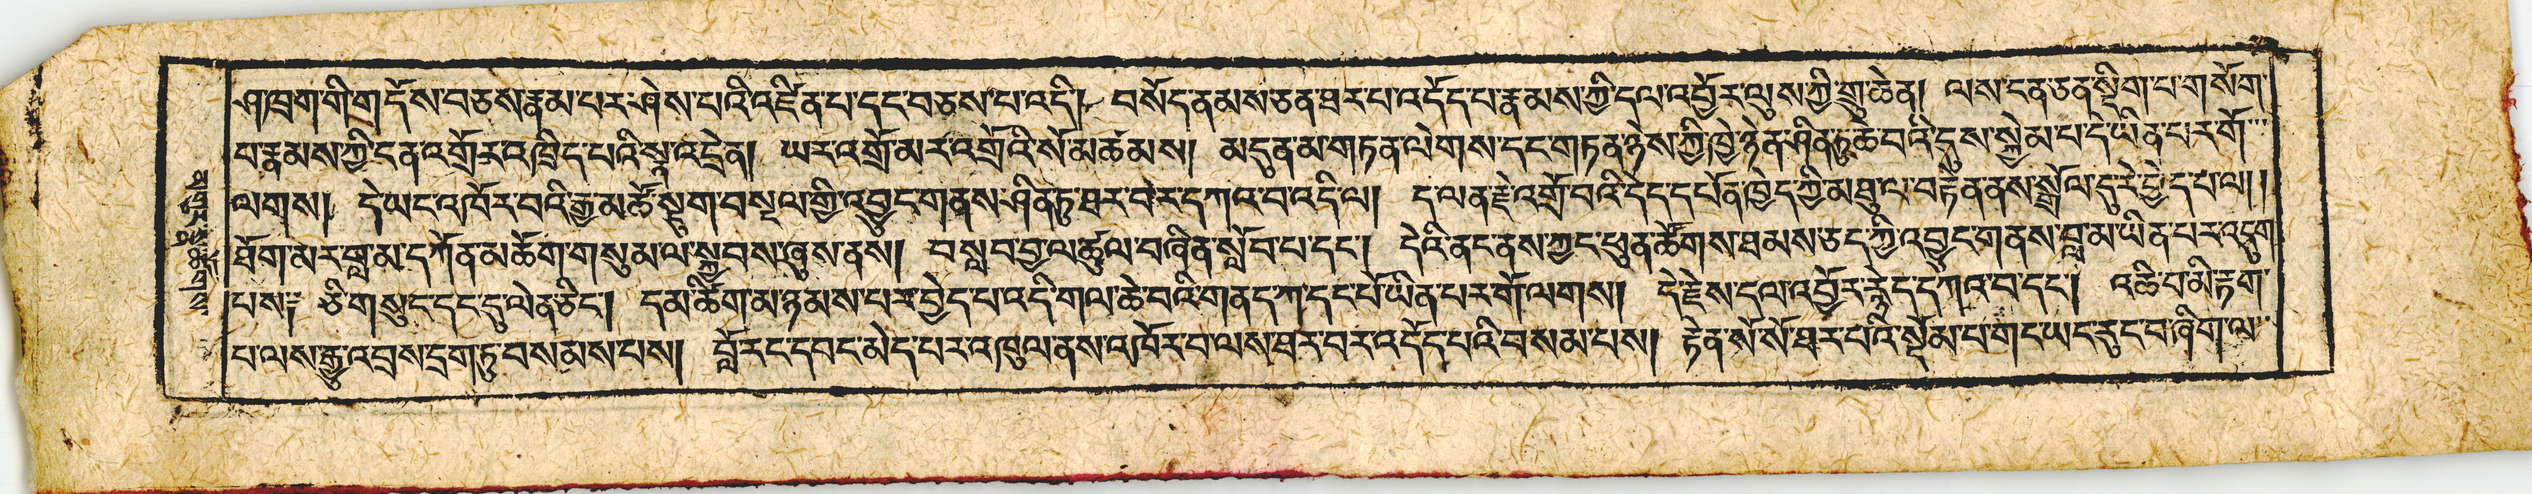ཤ་ཁྲག་གི་གདོས་བཅས་རྣམ་པར་ཤེས་པའི་འཛིན་པ་དང་བཅས་པ་འདི། བསོད་ནམས་ཅན་ཐར་པ་འདོད་པ་རྣམས་ཀྱི་དལ་འབྱོར་ལུས་ཀྱི་གྲུ་ཆེན། ལས་ངན་སྡིག་པ་གསོག་
པ་རྣམས་ཀྱི་ངན་འགྲོར་འཁྲིད་པའི་སྣ་འདྲེན། ཡར་འགྲོ་མར་འགྲོའི་སོ་མཚམས། མདུན་མ་གཏན་ལེགས་དང་གཏན་ཉེས་ཀྱི་ཁེ་ཉེན་ཤིན་ཏུ་ཆེ་བའི་དུས་སྐྱེམ་པ་དེ་ཡིན་པར་གོ་
ལགས། དེ་ཡང་འཁོར་བའི་རྒྱ་མཚོ་སྡུག་བསྔལ་གྱི་འབྱུང་གནས་ཤིན་ཏུ་ཐར་བར་དཀའ་བ་འདི་ལ། ད་ལན་རྗེ་འགྲོ་བའི་དེད་དཔོན་ཁྱེད་ཀྱི་མཐུ་ལ་བརྟེན་ནས་སྒྲོལ་དུ་རེ་བྱེད་པ་ལ། 
དེའི་ནང་ནས་ཀྱང་ཕུན་ཚོགས་ཐམས་ཅད་ཀྱི་འབྱུང་གནས་བླ་མ་ཡིན་པར་འདུག་
པས༑ ཅི་གསུང་དང་དུ་ལེན་ཅིང་། དམ་ཚིག་མ་ཉམས་པར་བྱེད་པ་འདི་གལ་ཆེ་བའི་གནད་ཀ་དང་པོ་ཡིན་པར་གོ་ལགས། དེ་རྗེས་དལ་འབྱོར་རྙེད་དཀའ་བ་དང་། འཆི་བ་མི་རྟག་
པ། ལས་རྒྱུ་འབྲས་དྲག་ཏུ་བསམས་པས། བློ་རང་དབང་མེད་པར་འཁུལ་ནས་འཁོར་བ་ལས་ཐར་བར་འདོད་པའི་བསམ་པས། རྟེན་སོ་སོ་ཐར་པའི་སྡོམ་པ་གང་ཡང་རུང་བ་ཞིག་ལ་